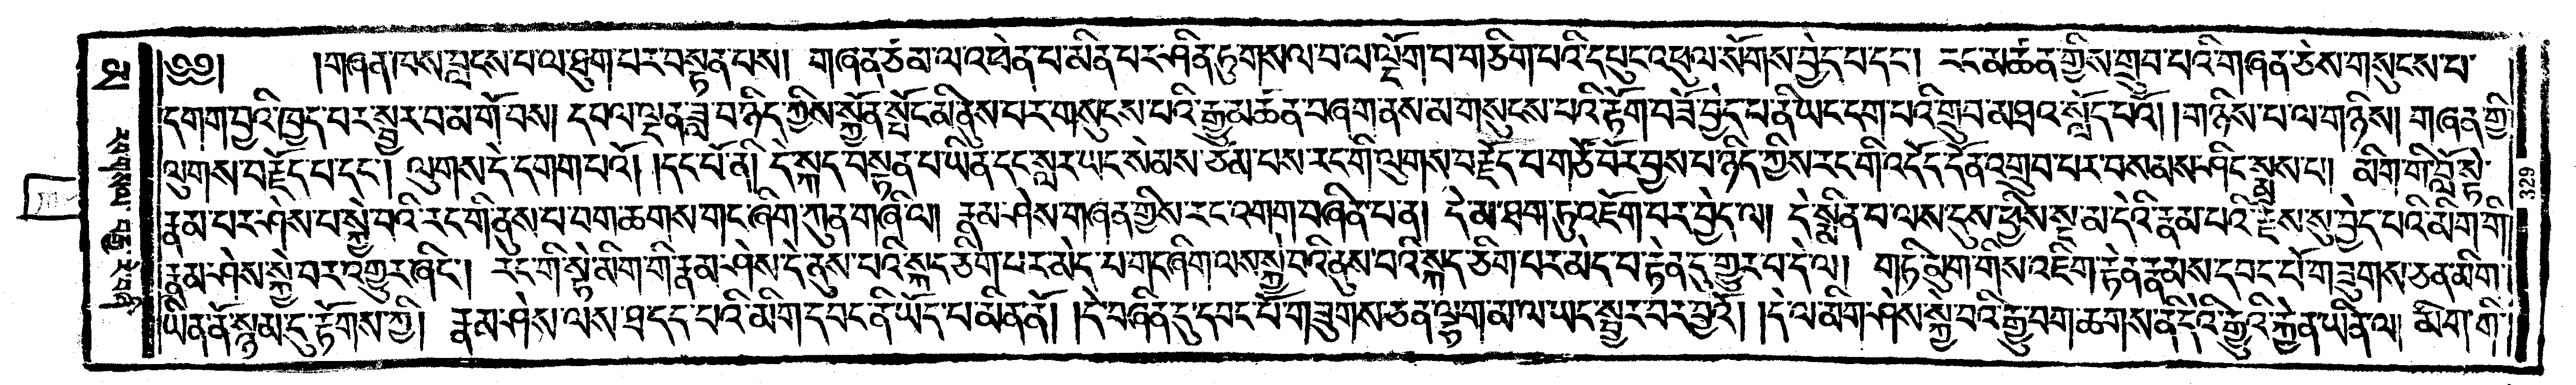༄༅། །གཞན་ཁས་བླངས་པ་ལ་ཐུག་པར་བསྟན་པས། གཞན་ཙམ་ལ་འཕེན་པ་མིན་པར་ཤིན་ཏུ་གསལ་བ་ལ་ལྡོག་པ་གཅིག་པའི་དཔུང་འཕུལ་སོགས་བྱེད་པ་དང་། རང་མཚན་གྱིས་གྲུབ་པའི་གཞན་ཅེས་གསུངས་པ་
དགག་བྱའི་ཁྱད་པར་སྦྱར་བ་མ་གོ་བས། དཔལ་ལྡན་ཟླ་བ་ཉིད་ཀྱིས་སྐྱོན་སྤོང་མི་ནུས་པར་གསུངས་པའི་རྒྱུ་མཚན་བཞག་ནས་མ་གསུངས་པའི་རྟོག་བཟོ་བྱེད་པ་ནི་ཡང་དག་པའི་གྲུབ་མཐའ་སློད་པའོ། །གཉིས་པ་ལ་གཉིས། གཞན་གྱི་
ལུགས་བརྗོད་པ་དང་། ལུགས་དེ་དགག་པའོ། །དང་པོ་ནི། དེ་སྐད་བསྟན་པ་ཡིན་དང་སླར་ཡང་སེམས་ཙམ་པས་རང་གི་ལུགས་བརྗོད་པ་གཙོ་བོར་བྱས་པ་ཉིད་ཀྱིས་རང་གི་འདོད་དོན་འགྲུབ་པར་བསམས་ཤིང་སྨྲས་པ། མིག་གི་བློ་སྟེ་
རྣམ་པར་ཤེས་པ་སྐྱེ་བའི་རང་གི་ནུས་པ་བག་ཆགས་གང་ཞིག་ཀུན་གཞི་ལ། རྣམ་ཤེས་གཞན་གྱིས་རང་འགག་བཞིན་པ་ན། དེ་མ་ཐག་ཏུ་འཇོག་པར་བྱེད་ལ། དེ་སྨིན་པ་ལས་དུས་ཕྱིས་སྔ་མ་དེའི་རྣམ་པའི་རྗེས་སུ་བྱེད་པའི་མིག་གི་
རྣམ་ཤེས་སྐྱེ་བར་འགྱུར་ཞིང་། རང་གི་སྟེ་མིག་གི་རྣམ་ཤེས་དེ་ནུས་པའི་སྐད་ཅིག་བར་མེད་པ་གང་ཞིག་ལས་སྐྱེ་བའི་ནུས་པའི་སྐད་ཅིག་པར་མེད་པ་རྟེན་དུ་གྱུར་པ་དེ་ལ། གཏི་མུག་གིས་འཇིག་རྟེན་རྣམས་དབང་པོ་གཟུགས་ཅན་མིག་
ཡིན་ནོ་སྙམ་དུ་རྟོགས་ཀྱི། རྣམ་ཤེས་ལས་ཐ་དད་པའི་མིག་དབང་ནི་ཡོད་པ་མིན་ནོ། །དེ་བཞིན་དུ་དབང་པོ་གཟུགས་ཅན་ལྷག་མ་ལ་ཡང་སྦྱར་བར་བྱའོ། །དེ་ལ་མིག་ཤེས་སྐྱེ་བའི་རྒྱུ་བག་ཆགས་ནི་དེའི་རྒྱུའི་རྐྱེན་ཡིན་ལ། མིག་གི་